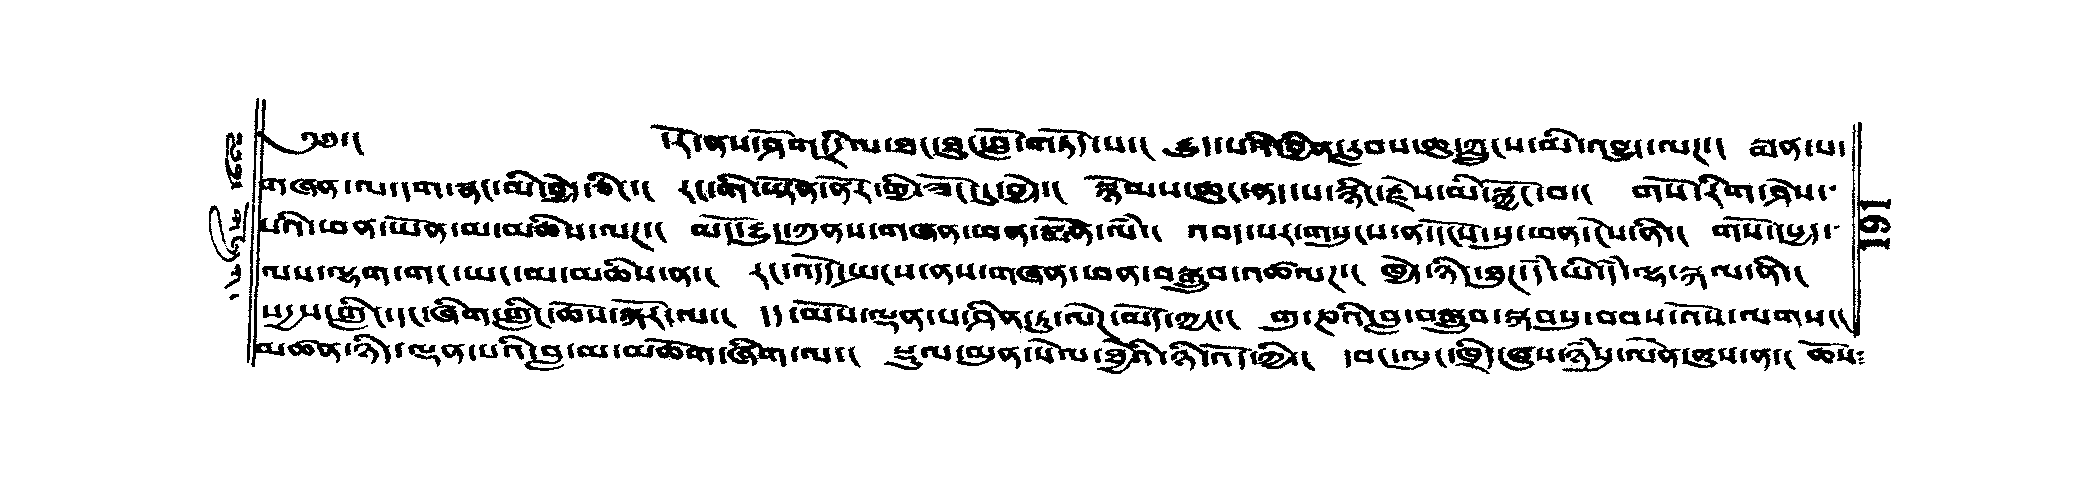དོར་ནས་ཤོག་དྲིལ་ཐང་ཐུང་བློ་གཏོད་པ། །བརྒྱུད་པའི་བྱིན་རླབས་ཆུ་ཀླུང་མི་འབྱུང་ལགས། །སྨན་པ་
གཞན་ལ་དག་སྣང་མི་བྱེད་ཅིང་། །རང་གི་ཡོན་ཏན་ནོར་གྱི་ཟོང་དུ་བྱེད། །སྙོམས་ཆུང་ནད་པ་སྙིང་རྗེས་མི་སྐྱོང་བ། །གསོ་རིག་ཤེས་
པའི་ཕན་ཡོན་མ་མཆིས་ལགས། །མདོ་རྒྱུད་ཀུན་ནས་གཞན་ཕན་སྨོན་འཇུག་ལམ། །འབད་པར་གསུངས་ན་དངོས་སུ་ཕན་ངེས་ནི། །གསོ་དཔྱད་
ལས་ལྷག་གང་ཡང་མ་མཆིས་ན། །རང་འདོད་སྤངས་ནས་གཞན་ཕན་བསྒྲུབ་འཚལ་ལགས། །ཁྱེད་ཉིད་ཐུགས་དམ་ཡི་དམ་ལྷ་སྐལ་ནི། །
སངས་རྒྱས་གླིང་དང་ཞིག་གླིང་ཆོས་སྐོར་ལ། །དད་མོས་ལྡན་པ་ཤིན་ཏུ་ལེགས་མོད་ཀྱང་། །གུ་ཎའི་བླ་སྒྲུབ་སྐབས་སུ་བབས་འོས་ལགས། །
མཚན་ཉིད་ལྡན་པའི་བླ་མ་མཆོག་ཞིག་ལ། །སྡུག་བསྔལ་མུན་སེལ་ཐུགས་རྗེའི་ཉི་འོད་ཀྱི། །དབང་ལུང་ཁྲིད་ཞུས་ཉམས་སུ་ལེན་ནུས་ན། །ཆོས་